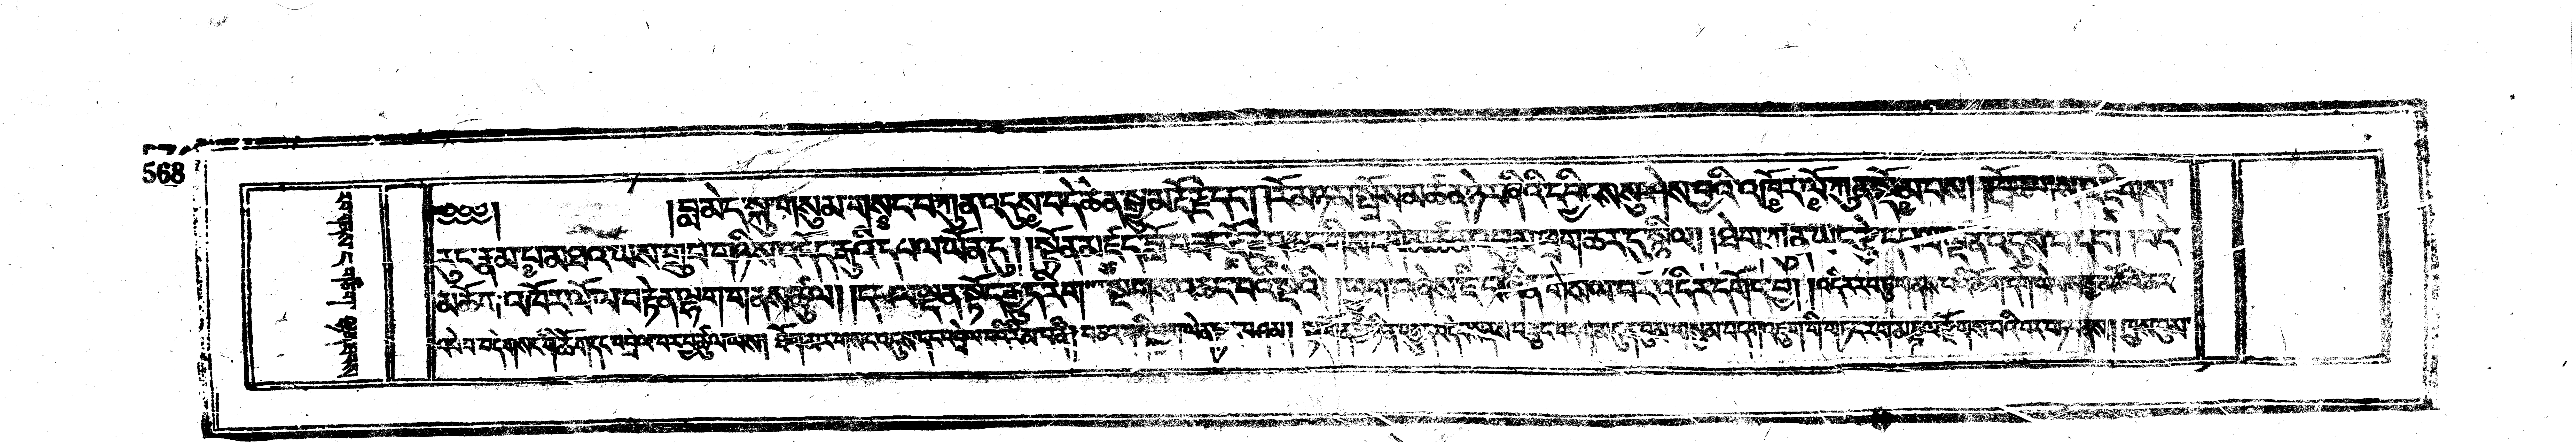༄༅༅། །བླ་མེད་སྐུ་གསུམ་གསང་བ་ཀུན་འདུས་བདེ་ཆེན་སྒྱུ་མ་རྡོ་རྗེ་དང་། །རོ་མཉམ་སྤྲོས་མཚན་ཉེར་ཞིའི་དབྱིངས་སུ་ཤེས་བྱའི་འཁོར་ལོ་ཀུན་སྡོམ་པས། །ཁྲོ་ཆགས་འཇིགས་
རུང་རྣམ་པ་མཐའ་ཡས་གྲུབ་གཉིས་འདོད་རྒུའི་དཔལ་ཡོན་དུ། །སྟོན་མཛད་བློ་བཟང་རྡོ་རྗེ་འཆང་གིས་དགེ་མཚན་འབུམ་ཕྲག་ཆར་དུ་སྙིལ། །ཐེག་ཀུན་ཡང་རྩེ་དཔལ་ལྡན་འདུས་པ་དང་། །བདེ་
མཆོག་འཁོར་ལོ་ལ་བརྟེན་ལྷག་གནས་ཚུལ། །དཔལ་ལྡན་སྟོད་རྒྱུད་རིག་་་སྔགས་འཆང་བའི་སྡེའི། །ཕྱག་བཞེས་ཇི་བཞིན་གསལ་བར་འདིར་དགོད་བྱ། །འདིར་རབ་ཏུ་གནས་པའི་ཆོ་ག་དགེ་ལེགས་རྒྱ་མཚོའི་ཆར་
འབེབ་བདེ་གསང་གི་ཆོག་དང་འབྲེལ་བར་བྱ་ཚུལ་ལས། ཐོག་མར་གསང་འདུས་དང་འབྲེལ་བའི་རིམ་པ་ནི། བཅའ་གཞི་ཕྱག་ལེན་ལྟར་བཤམ། སྟ་གོན་གྱི་ཉིན་བརྒྱུད་འདེབས་ནས་བཟུང་བདག་མདུན་བུམ་གསུམ་བདག་འཇུག་གི་གཏང་རག་མཎྜལ་རྫོགས་པའི་བར་བཏང་ནས། ཁྲུས་བུམ་